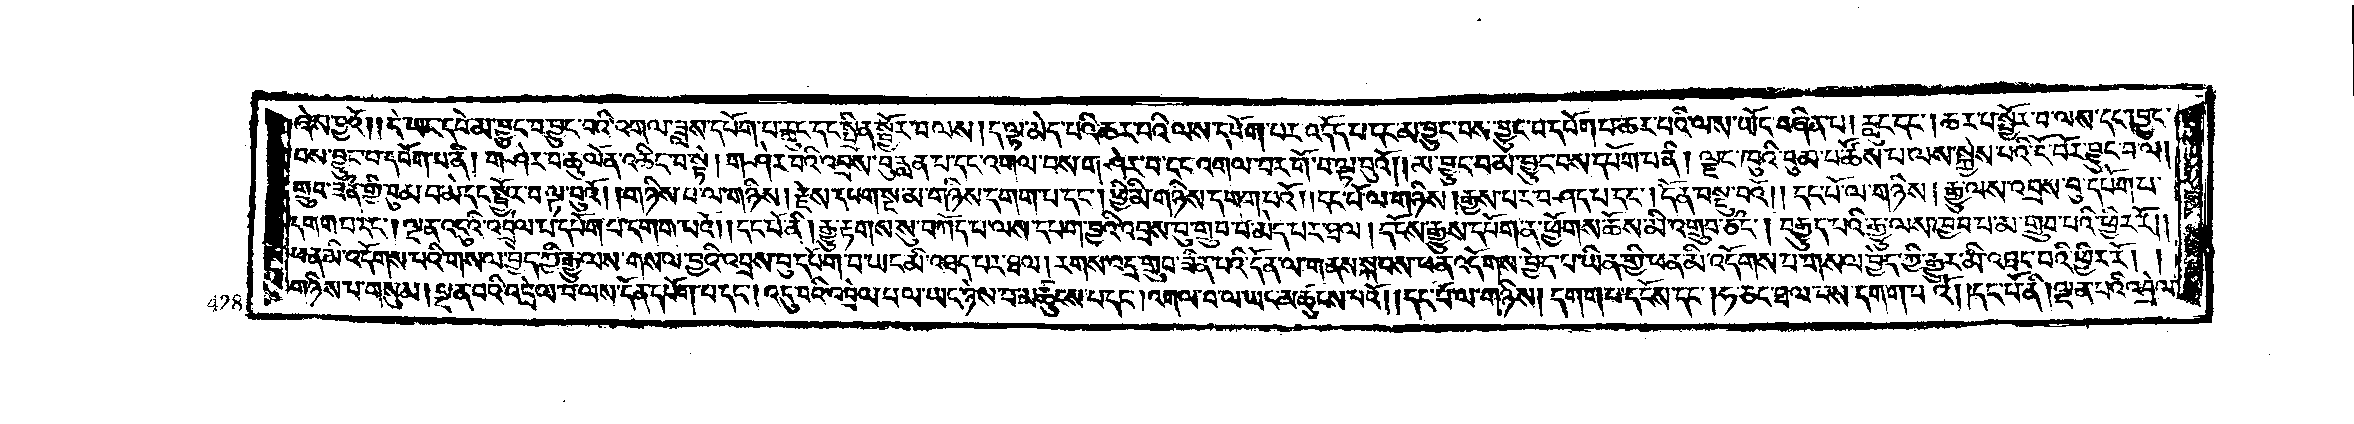ཞེས་བྱའོ། །དེ་ཡང་དཔེ་མ་བྱུང་བ་བྱུང་བའི་འགལ་ཟླས་དཔོག་པ་རླུང་དང་སྤྲིན་སྦྱོར་བ་ལས། ད་ལྟ་མེད་པའི་ཆར་བའི་ལས་དཔོག་པར་འདོད་པ་དང་མ་བྱུང་བས་བྱུང་བ་དཔོག་པ་ཆར་པའི་ལས་ཡོད་བཞིན་པ། རླུང་དང་། ཆར་པ་སྦྱོར་བ་ལས་དང་། བྱུང་
བས་བྱུང་བ་དཔོག་པ་ནི། གཤེར་བ་ཆུ་ལོན་འཆིང་བ་སྟེ། གཤེར་བའི་འབྲས་བུ་རླན་པ་དང་། འགལ་བར་གོ་བ་ལྟ་བུའོ། །མ་བྱུང་བ་མ་བྱུང་བས་དཔོག་པ་ནི། ལྗང་ཁུའི་བུམ་པ་ཚོས་པ་ལས་སྐྱེས་པའི་ངོ་བོར་བྱུང་བ་ལ།
གྲུབ་ཟིན་གྱི་བུམ་པ་མེ་དང་སྦྱོར་བལྟ་བུའོ། །གཉིས་པ་ལ་གཉིས། རྗེས་དཔག་སྔ་མ་གཉིས་དགག་པ་དང་། ཕྱི་མི་གཉིས་དགག་པའོ། །དང་པོ་ལ་གཉིས། རྒྱས་པར་བཤད་པ་དང་། དོན་བསྡུ་བའོ། །དང་པོ་ལ་གཉིས། རྒྱུ་ལས་འབྲས་བུ་དཔོག་པ་
དགག་པ་དང་། ལྡན་འདུའི་འབྲེལ་པ་དཔོག་པ་དགག་པའོ། །དང་པོ་ནི། རྒྱུ་རྟགས་སུ་བཀོད་པ་ལས་དཔག་བྱའི་འབྲས་བུ་གྲུབ་པ་མེད་པར་ཐལ། དངོས་རྒྱུས་དཔོག་ན་ཕྱོགས་ཆོས་མི་འགྲུབ་ཅིང་། བརྒྱུད་པའི་རྒྱུ་ལས་ཁྱབ་པ་མ་གྲུབ་པའི་ཕྱིར། །
ཕན་མི་འདོགས་པའི་གསལ་བྱེད་ཀྱི་རྒྱུ་ལས་གསལ་བྱའི་འབྲས་བུ་དཔོག་པ་ཡང་མི་འཐད་པར་ཐལ། རགས་འདྲ་གྲུབ་ཟིན་པའི་དོན་ལ་གནས་སྐབས་ཕན་འདོགས་བྱེད་པ་ཡིན་གྱི་ཕན་མི་འདོགས་པ་གསལ་བྱེད་ཀྱི་རྒྱུར་མི་འཐད་བའི་ཕྱིར། །
གཉིས་པ་གསུམ། ལྡན་པའི་འབྲེལ་པ་ལས་དོན་དཔོག་པ་དང་། འདུ་བའི་འབྲེལ་པ་ལ་ཡང་ཉེས་པ་མཚུངས་པ་དང་། འགལ་བ་ལ་ཡང་མཚུངས་པའོ། །དང་པོ་ལ་གཉིས། དགག་པ་དངོས་དང་། ཧ་ཅང་ཐལ་པས་དགག་པའོ། །དང་པོ་ནི། ལྡན་པའི་འབྲེལ་